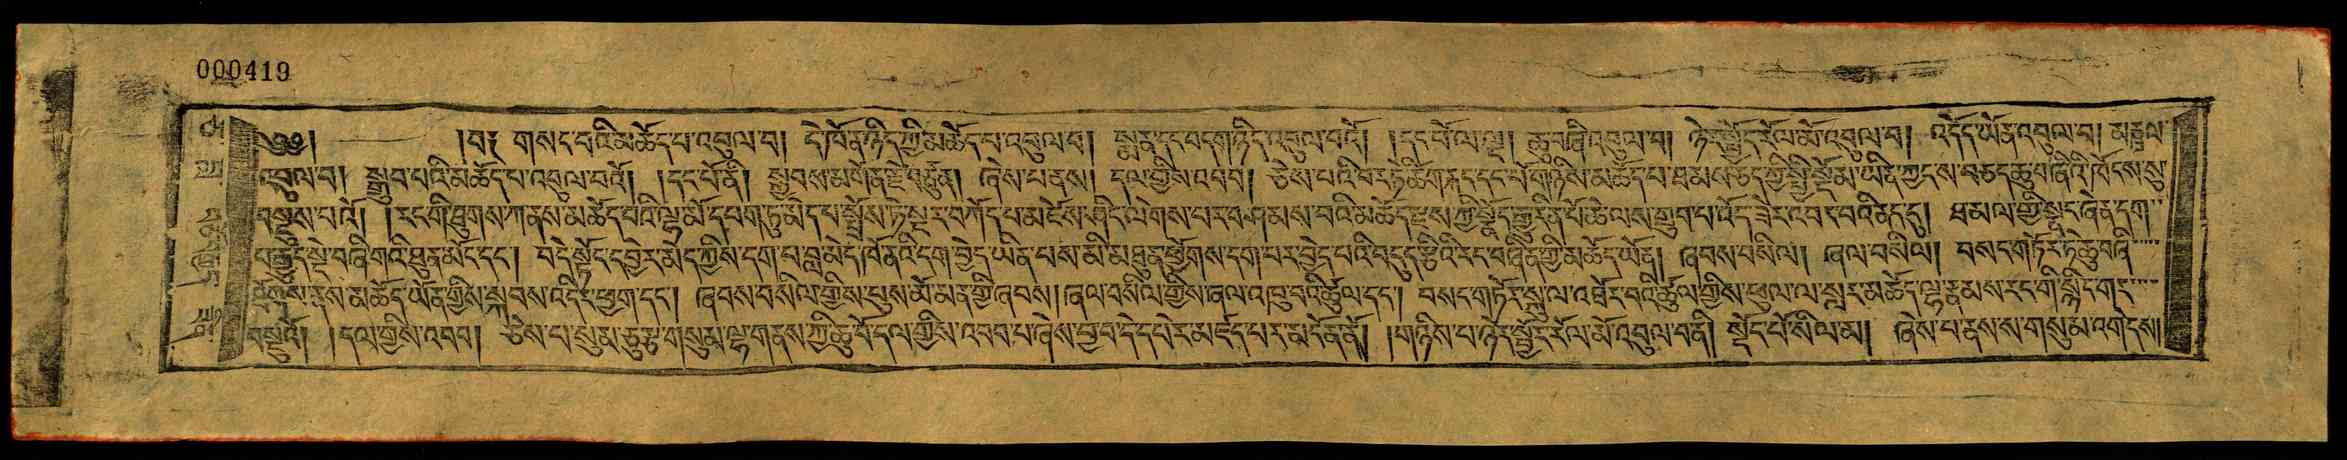༄༅། །བ༑ གསང་བའི་མཆོད་པ་འབུལ་བ། དེ་ཁོ་ན་ཉིད་ཀྱི་མཆོད་པ་འབུལ་བ། སྨན་དང་བདག་ཉིད་འབུལ་བའོ། །དང་པོ་ལ་ལྔ། ཆུ་བཞི་འབུལ་བ། ཉེར་སྤྱོད་རོལ་མོ་འབུལ་བ། འདོད་ཡོན་འབུལ་བ། མཎྜལ་
འབུལ་བ། སྒྲུབ་པའི་མཆོད་པ་འབུལ་བའོ། །དང་པོ་ནི། སྐྱབས་མགོན་རྗེ་བཙུན། ཞེས་པ་ནས། དལ་གྱིས་འབབ། ཅེས་པའི་བར་ཏེ་ཚིག་རྐང་དང་པོ་གཉིས་མཆོད་པ་ཐམས་ཅད་ཀྱི་སྤྱི་སྡོམ་ཡིན་ཀྱང་ས་བཅད་ཆུ་བཞིའི་ཁོངས་སུ་
བསྡུས་པའོ། །རང་གི་ཐུགས་ཀ་ནས་མཆོད་པའི་ལྷ་མོ་དཔག་ཏུ་མེད་པ་སྤྲོས་ཏེ་སྔར་བཀོད་པ་མཛེས་ཤིང་ལེགས་པར་བཤམས་པའི་མཆོད་རྫས་ཀྱི་སྣོད་རྒྱུ་རིན་པོ་ཆེ་ལས་གྲུབ་པ་འོད་ཟེར་འབར་བའི་ནང་དུ། ཐ་མལ་གྱི་སྣང་ཞེན་དག་
པ་རྒྱུད་སྡེ་བཞི་གའི་ཐུན་མོང་དང་། བདེ་སྟོང་དབྱེར་མེད་ཀྱིས་དག་པ་བླ་མེད་ཁོ་ནའི་དག་བྱེད་ཡིན་པས་མི་མཐུན་ཕྱོགས་དག་པར་བྱེད་པའི་བདུད་རྩིའི་རང་བཞིན་གྱི་མཆོད་ཡོན། ཞབས་བསིལ། ཞལ་བསིལ། བསང་གཏོར་ཏེ་ཆུ་བཞི་
ཐོགས་ནས་མཆོད་ཡོན་གྱིས་སྐབས་འདིར་ཕྱག་དང་། ཞབས་བསིལ་གྱིས་པུས་མོ་མན་གྱི་ཞབས། ཞལ་བསིལ་གྱིས་ཞལ་འཁྲུ་བའི་ཚུལ་དང་། བསང་གཏོར་སྐུ་ལ་འཐོར་བའི་ཚུལ་གྱིས་ཕུལ་ལ་སླར་མཆོད་ལྷ་རྣམས་རང་གི་སྙིང་གར་
བསྡུའོ། །དལ་གྱིས་འབབ། ཅེས་པ་སུམ་ཅུ་རྩ་གསུམ་ལྷ་གནས་ཀྱི་ཆུ་བོ་དལ་གྱིས་འབབ་པ་ཞེས་བྱ་བ་དེ་དཔེར་མཛད་པར་མངོན་ནོ། །གཉིས་པ་ཉེར་སྤྱོད་རོལ་མོ་འབུལ་བ་ནི། སྡོང་པོ་སིལ་མ། ཞེས་པ་ནས་ས་གསུམ་འགེངས།